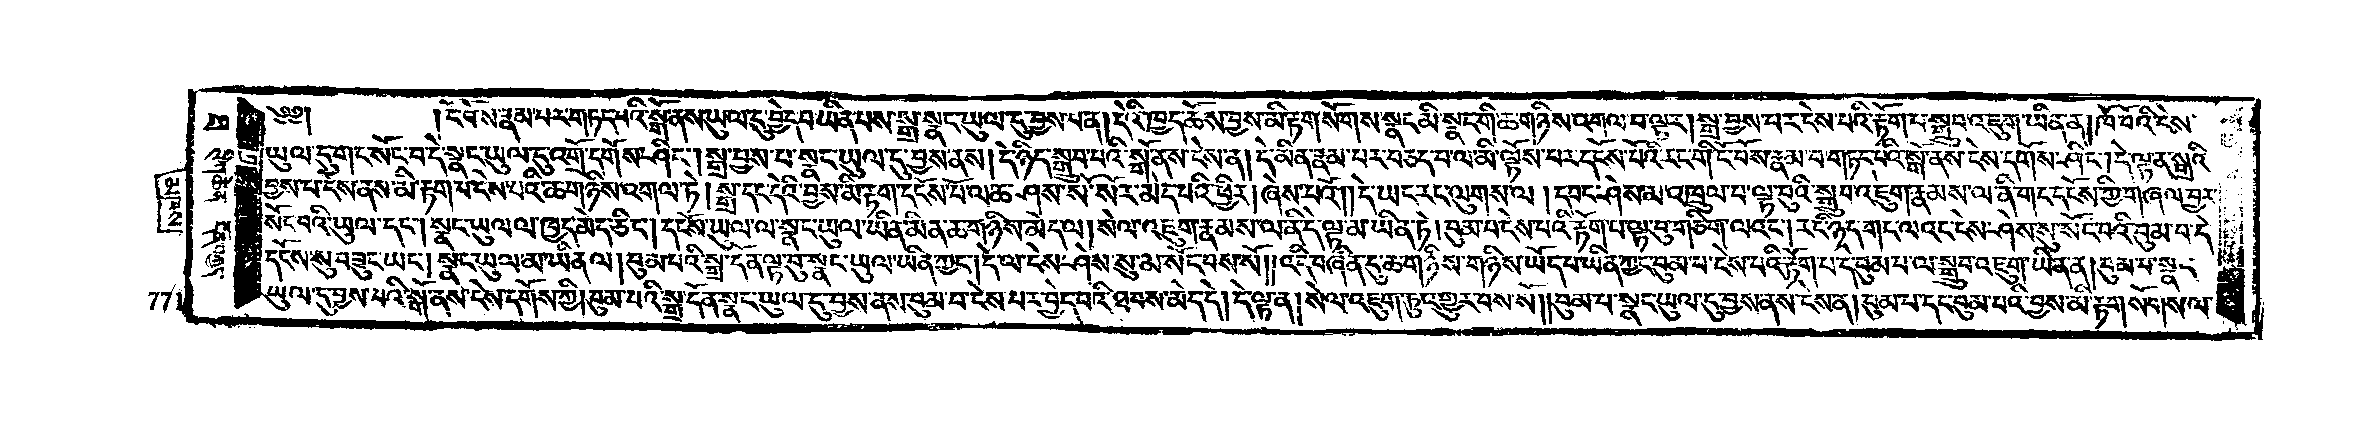༄༅། །ངོ་བོས་རྣམ་པར་གཏད་པའི་སྒོ་ནས་ཡུལ་དུ་བྱེད་པ་ཡིན་པས་སྒྲ་སྣང་ཡུལ་དུ་བྱས་པ་ན། དེའི་ཁྱད་ཆོས་བྱས་མི་རྟག་སོགས་སྣང་ཡུལ་དུ་བྱས་པ་ན། དེའི་ཁྱད་ཆོས་བྱས་མི་རྟགས་སོགས་སྣང་མི་སྣང་གི་ཆ་གཉིས་འགལ་བ་ལྟར། སྒྲ་བྱས་པར་ངེས་པའི་རྟོག་པ་སྒྲུབ་འཇུག་ཡིན་ན། ཁོ་བའི་ངེས་
ཡུལ་དུ་གང་སོང་བ་དེ་སྣང་ཡུལ་དུ་འགྲོ་དགོས་ཤིང་། སྒྲ་བྱས་པ་སྣང་ཡུལ་དུ་བྱས་ནས། དེ་ཉིད་སྒྲུབ་པའི་སྒོ་ནས་ངེས་ན། དེ་མིན་རྣམ་པར་བཅད་པ་ལ་མི་ལྟོས་པར་དངོས་པོའི་རང་གི་ངོ་བོས་རྣམ་པ་གཏད་པའི་སྒོ་ནས་ངེས་དགོས་ཤིང་། དེ་ལྟ་ན་སྒྲའི་
བྱས་པ་ངེས་ནས་མི་རྟག་པ་ངེས་པའི་ཆ་གཉིས་འགལ་ཏེ། སྒྲ་དང་དེའི་བྱས་མི་རྟག་དངོས་པོ་ལ་ཆ་ཤས་སོ་སོར་མེད་པའི་ཕྱིར། ཞེས་པའོ། །དེ་ཡང་རང་ལུགས་ལ། དབང་ཤེས་མ་འཁྲུལ་པ་ལྟ་བུའི་སྒྲུབ་འཇུག་རྣམས་ལ་ནི་གང་དངོས་ཀྱི་གཞལ་བྱར་
སོང་བའི་ཡུལ་དང་། སྣང་ཡུལ་ལ་ཁྱད་མེད་ཅིང་། དངོས་ཡུལ་ལ་སྣང་ཡུལ་ཡིན་མིན་ཆ་གཉིས་མེད་ལ། སེལ་འཇུག་རྣམས་ལ་ནི་དེ་ལྟ་མ་ཡིན་ཏེ། བུམ་པ་ངེས་པའི་རྟོག་པ་ལྟ་བུ་གཅིག་ལའང་། རང་ཉིད་གང་ལའང་ངེས་ཤེས་སུ་སོང་བའི་བུམ་པ་དེ་
དངོས་སུ་བཟུང་ཡང་། སྣང་ཡུལ་མ་ཡིན་ལ། བུམ་པའི་སྒྲ་དོན་ལྟ་བུ་སྣང་ཡུལ་ཡིན་ཀྱང་། དེ་ལ་ངེས་ཤེས་སུ་མ་སོང་བས་སོ། །འདི་བཞིན་དུ་ཆ་གཉིས་གཉིས་ཡོད་པ་ཡིན་ཀྱང་བུམ་པ་ངེས་པའི་རྟོག་པ་དེ་བུམ་པ་ལ་སྒྲུབ་འཇུག་ཡིན་ན། བུམ་པ་སྣང་
ཡུལ་དུ་བྱས་པའི་སྒོ་ནས་ངེས་དགོས་ཀྱི། བུམ་པའི་སྒྲ་དོན་སྣང་ཡུལ་དུ་བྱས་ནས་བུམ་པ་ངེས་པར་བྱེད་པའི་ཐབས་མེད་དེ། དེ་ལྟ་ན། སེལ་འཇུག་ཏུ་འགྱུར་བས་སོ། །བུམ་པ་སྣང་ཡུལ་དུ་བྱས་ནས་ངེད་ན། བུམ་པ་དང་བུམ་པའི་བྱས་མི་རྟགས་སོགས་ལ་